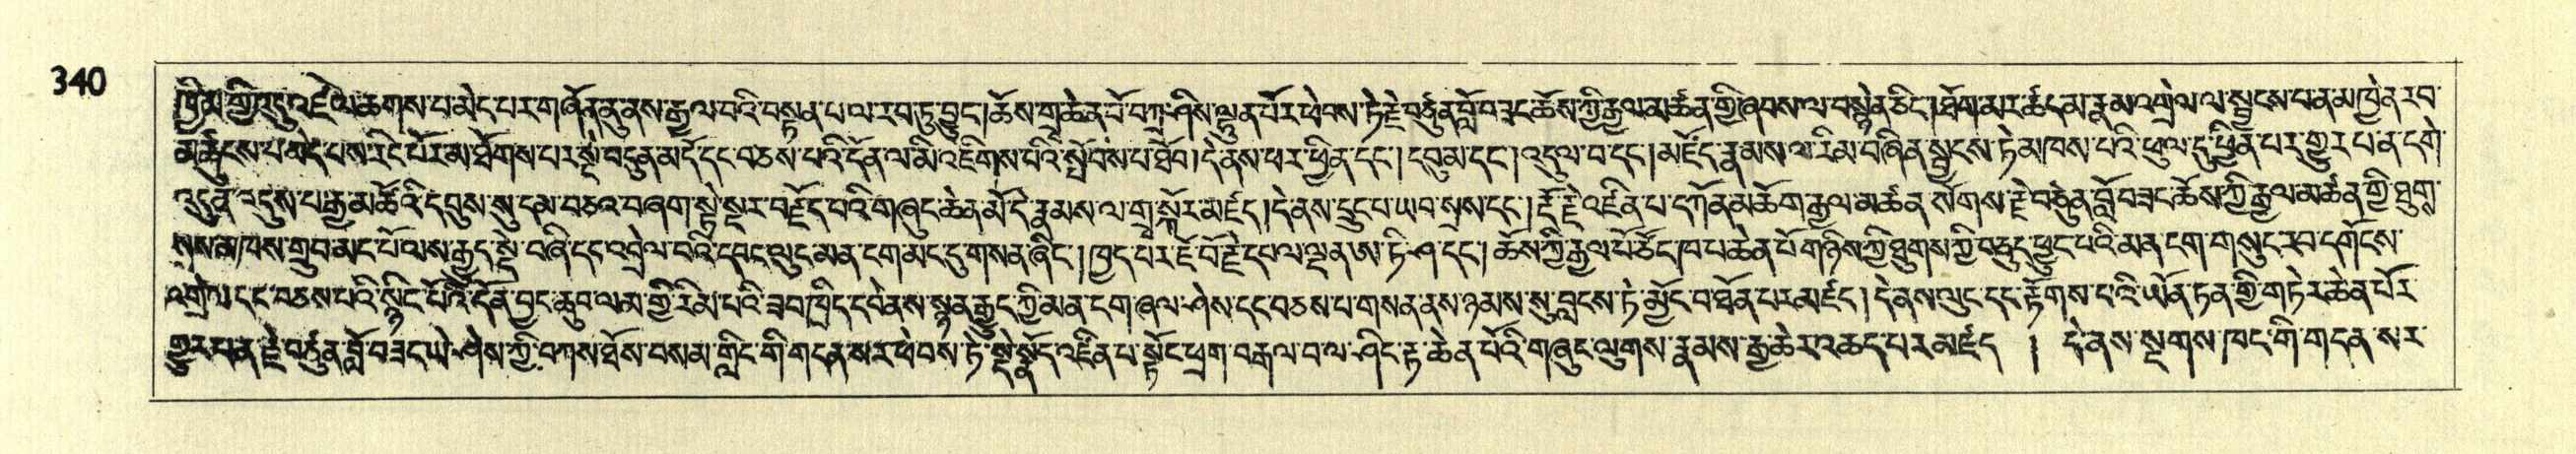ཁྱིམ་གྱི་འདུ་འཛལ་ཆགས་པ་མེད་པར་གཞོན་ནུ་ནས་རྒྱལ་བའི་བསྟན་པ་ལ་རབ་ཏུ་བྱུང་། ཆོས་གྲྭ་ཆེན་པོ་བཀྲ་ཤིས་ལྷུན་པོར་ཕེབས་ཏེ་རྗེ་བཙུན་བློ་བཟང་ཆོས་ཀྱི་རྒྱལ་མཚན་གྱི་ཞབས་ལ་བསྙེན་ཅིང་།ཐོག་མར་ཚད་མ་རྣམ་འགྲེལ་ལ་སྦྱངས་པ་ན་མཁྱེན་རབ་
མཚུངས་པ་མེད་པས་རིང་པོར་མ་ཐོགས་པར་སྡེ་བདུན་མདོ་དང་བཅས་པའི་དོན་ལ་མི་འཇིགས་པའི་སྤོབས་པ་ཐོབ། དེ་ནས་ཕར་ཕྱིན་དང་། དབུ་མ་དང་། འདུལ་བ་དང་། མཛོད་རྣམས་ལ་རིམ་བཞིན་སྦྱངས་ཏེ་མཁས་པའི་ཕུལ་དུ་ཕྱིན་པར་གྱུར་པ་ན་དགེ་
འདུན་འདུས་པ་རྒྱ་མཚོའི་དབུས་སུ་དམ་བཅའ་བཞག་སྟེ་སྔར་བརྗོད་པའི་གཞུང་ཆེན་མོ་དེ་རྣམས་ལ་གྲྭ་སྐོར་མཛད། དེ་ནས་དྲུང་པ་ཡབ་སྲས་དང་། རྡོ་རྗེ་འཛིན་པ་དཀོན་མཆོག་རྒྱལ་མཚན་སོགས་རྗེ་བཙུན་བློ་བཟང་ཆོས་ཀྱི་རྒྱལ་མཚན་གྱི་ཐུགས་
སྲས་མཁས་གྲུབ་མང་པོ་ལས་རྒྱུད་སྡེ་བཞི་དང་འབྲེལ་བའི་དབང་ལུང་མན་ངག་མང་དུ་གསན་ཞིང་། ཁྱད་པར་ཇོ་བོ་རྗེ་དཔལ་ལྡན་ཨ་ཏི་ཤ་དང་། ཆོས་ཀྱི་རྒྱལ་པོ་ཙོང་ཁ་པ་ཆེན་པོ་གཉིས་ཀྱི་ཐུགས་ཀྱི་བཅུད་ཕྱུང་པའི་མན་ངག་གསུང་རབ་དགོངས་
འགྲེལ་དང་བཅས་པའི་སྙིང་པོའི་དོན་བྱང་ཆུབ་ལམ་གྱི་རིམ་པའི་ཟབ་ཁྲིད་དབེན་ས་སྙན་རྒྱུད་ཀྱི་མན་ངག་ཞལ་ཤེས་དང་བཅས་པ་གསན་ནས་ཉམས་སུ་བླངས་ཏེ་མྱོང་བ་ཐོན་པར་མཛད། དེ་ནས་ལུང་དང་རྟོགས་པའི་ཡོན་ཏན་གྱི་གཏེར་ཆེན་པོར་
གྱུར་པ་ན་རྗེ་བཙུན་བློ་བཟང་ཡེ་ཤེས་ཀྱི་བཀས་ཐོས་བསམ་གླིང་གི་གདན་སར་ཕེབས་ཏེ་སྡེ་སྣོད་འཛིན་པ་སྟོང་ཕྲག་བརྒལ་བ་ལ་ཤིང་རྟ་ཆེན་པོའི་གཞུང་ལུགས་རྣམས་རྒྱ་ཆེར་འཆད་པར་མཛད། དེ་ནས་སྔགས་ཁང་གི་གདན་སར་